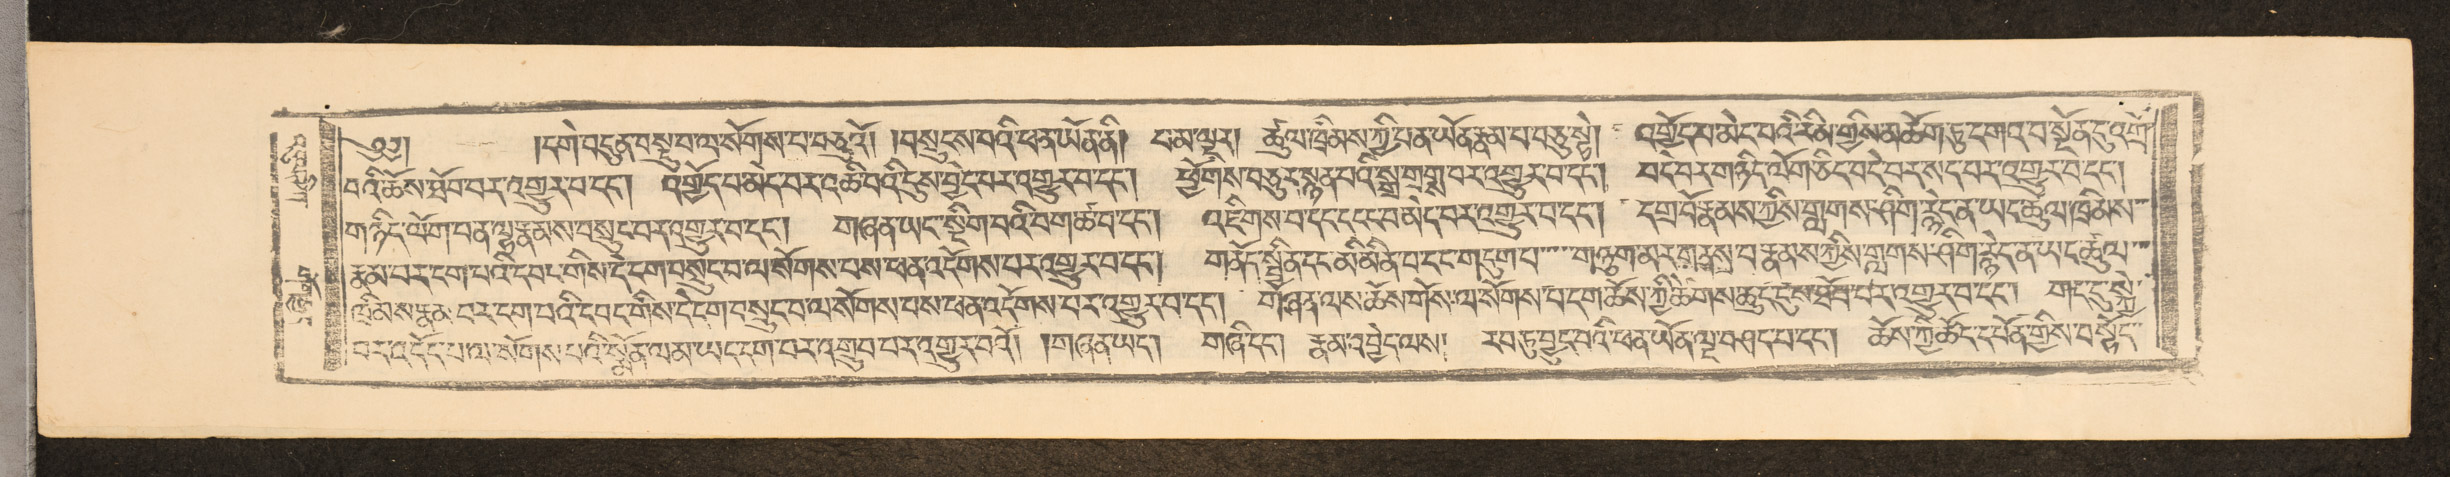༄༅། །དགེ་བདུན་བསྡུ་བ་ལ་སོགས་པ་བཅུའོ། །བསྲུངས་བའི་ཕན་ཡོན་ནི། བམ་ལྔར། ཚུལ་ཁྲིམས་ཀྱི་ཕན་ཡོན་རྣམ་པ་བཅུ་སྟེ། འགྱོད་པ་མེད་པའི་རིམ་གྱིས་མཆོག་ཏུ་དགའ་བ་སྔོན་དུ་འགྲོ་
པའི་ཆོས་ཐོབ་པར་འགྱུར་བ་དང་། འགྱོད་པ་མེད་པར་འཆི་བའི་དུས་བྱེད་པར་འགྱུར་བ་དང་། ཕྱོགས་བཅུར་སྙན་པའི་སྒྲ་གྲགས་པར་འགྱུར་བ་དང་། བདེ་བར་གཉིད་ལོག་ཅིང་བདེ་བར་སད་པར་འགྱུར་བ་དང་།
གཉིད་ལོག་པ་ན་ལྷ་རྣམས་བསྲུང་བར་འགྱུར་བ་དང་། གཞན་ཡང་སྡིག་པའི་བག་ཚ་བ་དང་། འཇིགས་པ་དང་ད་དང?་བ་མེད་པར་འགྱུར་བ་དང་། དགྲ་བོ་རྣམས་ཀྱིས་གླགས་ཤིག་རྙེད་ན་ཡང་ཚུལ་ཁྲིམས་
རྣམ་པར་དག་པའི་དབང་གིས་དེ་དག་བསྲུང་བ་ལ་སོགས་པས་ཕན་འདོགས་པར་འགྱུར་པ་དང་། གནོད་སྦྱིན་དང་མི་མིན་པ་དང་གདུག་པ་གཉུག་མར་གནས་པ་རྣམས་ཀྱིས་གླགས་ཤིག་རྙེད་ན་ཡང་ཚུལ་
ཁྲིམས་རྣམ་པར་དག་པའི་དབང་གིས་དེ་དག་བསྲུང་བ་ལ་སོགས་པས་ཕན་འདོགས་པར་འགྱུར་པ་དང་། གཞན་ལས་ཆོས་གོས་ལ་སོགས་པ་དག་ཆོས་ཀྱི་ཚེགས་ཆུང་དུས་ཐོབ་པར་འགྱུར་བ་དང་། གང་དུ་སྐྱེ་
བར་འདོད་པ་ལ་སོགས་པའི་སྨོན་ལམ་ཡང་དག་པར་འགྲུབ་པར་འགྱུར་བའོ། །གཞན་ཡང་། གཞི་དང་། རྣམ་འབྱེད་ལས། རབ་ཏུ་བྱུང་བའི་ཕན་ཡོན་ལྔ་བཤད་པ་དང་། ཆོས་ཀྱི་ཚོང་དཔོན་གྱིས་བསྟོད་